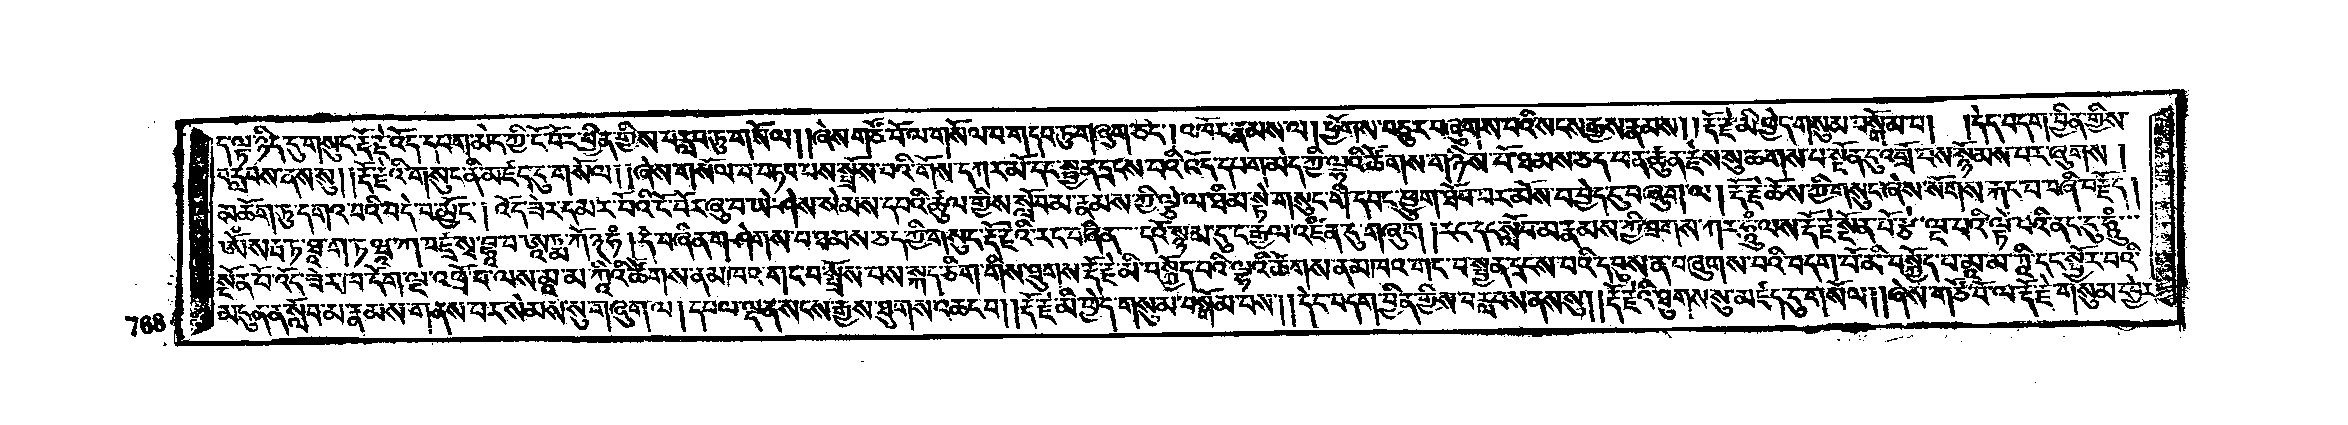ད་ལྟ་ཉིད་དུ་གསུང་རྡོ་རྗེ་འོད་དཔག་མེད་ཀྱི་ངོ་བོར་བྱིན་གྱིས་བརླབ་ཏུ་གསོལ། །ཞེས་གཙོ་བོ་ལ་གསོལ་བ་གདབ་ཏུ་གཞུག་ཅིང་།འཁོར་རྣམས་ལ། ཕྱོགས་བཅུར་བཞུགས་པའི་སངས་རྒྱས་རྣམས། །རྡོ་རྗེ་མི་ཕྱེད་གསུམ་བསྒོམ་པ། །དེད་བདག་བྱིན་གྱིས་
བརླབས་ནས་སུ། །རྡོ་རྗེའི་གསུང་ནི་མཛད་དུ་གསོལ། །ཞེས་གསོལ་བ་བཏབ་པས་སྤྲོས་པའི་གོས་དཀར་མོ་དང་སྤྱན་དྲངས་བའི་འོད་དཔག་མེད་ཀྱི་ལྷའི་ཚོགས་གཉིས་པོ་ཐམས་ཅད་ཕན་ཚུན་རྗེས་སུ་ཆགས་པ་སྔོན་དུ་འགྲོ་བས་སྙོམས་པར་ཞུགས།
མཆོག་ཏུ་དགའ་བའི་བདེ་བ་མྱོང་། འོད་ཟེར་དམར་པོའི་ངོ་བོར་ཞུ་བ་ཡེ་ཤེས་སེམས་དཔའི་ཚུལ་གྱིས་སློབ་མ་རྣམས་ཀྱི་ལྕེ་ལ་ཐིམ་སྟེ་གསུང་གི་དབང་ཕྱུག་ཐོབ་པར་མོས་པ་བྱེད་དུ་བཞུག་ལ། རྡོ་རྗེ་ཆོས་ཀྱི་གསུང་ཞེས་སོགས་རྐང་པ་བཞི་བརྗོད།
ཨོཾ་སརྦ་ཏ་ཐཱ་ག་ཏ་ཝཱ་ཀ་བཛྲ་སྭ་བྷཱ་བ་ཨཱཏམ་ཀོཉ་ཧཾ། དེ་བཞིན་གཤེགས་པ་ཐམས་ཅད་ཀྱི་གསུང་རྡོ་རྗེའི་རང་བཞིན་ད་དའོ་སྙམ་དུ་ང་རྒྱལ་འཛིན་དུ་གཞུག། རང་དང་སློབ་མ་རྣམས་ཀྱི་ཐུགས་ཀར་ཧཱུཾ་ལས་རྡོ་རྗེ་སྔོན་པོ་རྩེ་ལྔ་པའི་ལྟེ་བའི་ནང་དུ་ཧཱུཾ་
སྔོན་པོ་འོད་ཟེར་ཁ་དོག་ལྔ་འཕྲོ་བ་ལས་མཱ་མ་ཀཱིའི་ཚོགས་ནམ་མཁའ་གང་བ་སྤྲོས་པས་སྐད་ཅིག་གིས་ཐུགས་རྡོ་རྗེ་མི་བསྐྱོད་པའི་ལྷའི་ཚོགས་ནམ་མཁའ་གང་བ་སྤྱན་དྲངས་པའི་དབུས་ན་བཞུགས་པའི་བདག་པོ་མི་བསྐྱོད་པ་མཱ་མ་ཀཱི་དང་སྦྱོར་བའི་
མདུན་ན་སློབ་མ་རྣམས་གནས་པར་སེམས་སུ་གཞུག་ལ། དཔལ་ལྡན་སངས་རྒྱས་ཐུགས་འཆང་བ། །རྡོ་རྗེ་མི་ཕྱེད་གསུམ་བསྒོམ་པས། །དེང་བདག་བྱིན་གྱིས་བརླབས་ནས་སུ། །རྡོ་རྗེའི་ཐུགས་སུ་མཛད་དུ་གསོལ། །ཞེས་གཙོ་བོ་ལ་རྡོ་རྗེ་གསུམ་དབྱེར་